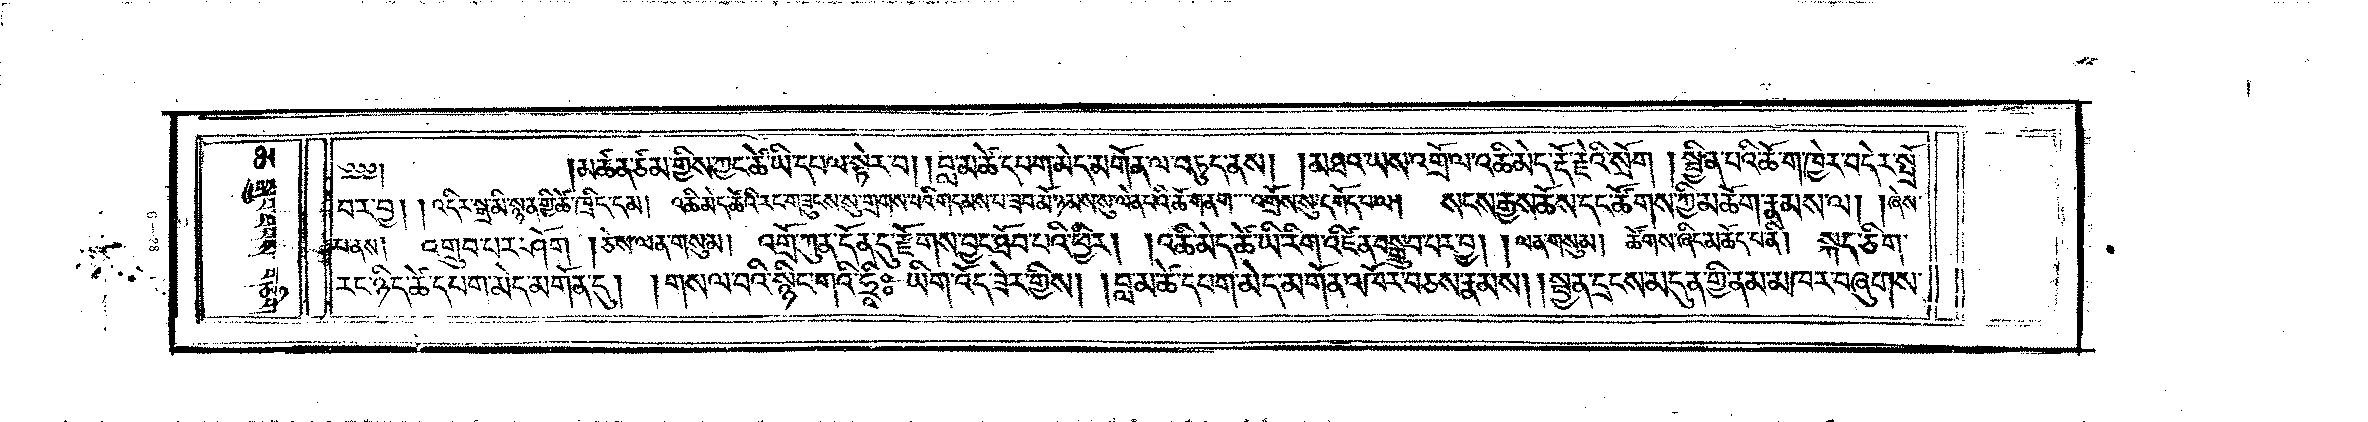༄༅༅། །མཚན་ཙམ་གྱིས་ཀྱང་ཚེ་ཡི་དཔལ་སྟེར་བ། །བླ་མ་ཚེ་དཔག་མེད་མགོན་ལ་བཏུད་ནས། །མཐའ་ཡས་འགྲོ་ལ་འཆི་མེད་རྡོ་རྗེའི་སྲོག །སྦྱིན་པའི་ཆོ་ག་ཁྱེར་བདེར་སྤྲོ་
པར་བྱ། །འདིར་སྒྲ་མི་སྙན་གྱི་ཚེ་ཁྲིད་དམ། འཆི་མེད་ཚེའི་རང་གཟུངས་སུ་གྲགས་པའི་གདམས་པ་ཟབ་མོ་ཉམས་སུ་ལེན་པའི་ཆོ་ག་ནག་འགྲོས་སུ་དགོད་པ་ལ།  སངས་རྒྱས་ཆོས་དང་ཚོགས་ཀྱི་མཆོག་རྣམས་ལ། །ཞེས་
པ་ནས། འགྲུབ་པར་ཤོག་།ཅེས་ལན་གསུམ།  འགྲོ་ཀུན་དོན་དུ་རྫོགས་བྱང་ཐོབ་པའི་ཕྱིར། །འཆི་མེད་ཚེ་ཡི་རིག་འཛིན་བསྒྲུབ་པར་བྱ། །ལན་གསུམ། ཚོགས་ཞིང་མཆོད་པ་ནི།  སྐད་ཅིག་
རང་ཉིད་ཚེ་དཔག་མེད་མགོན་དུ། །གསལ་བའི་སྙིང་གའི་ཧྲཱིཿ ཡིག་འོད་ཟེར་གྱིས། །བླ་མ་ཚེ་དཔག་མེད་མགོན་འཁོར་བཅས་རྣམས། །སྤྱན་དྲངས་མདུན་གྱི་ནམ་མཁར་བཞུགས་